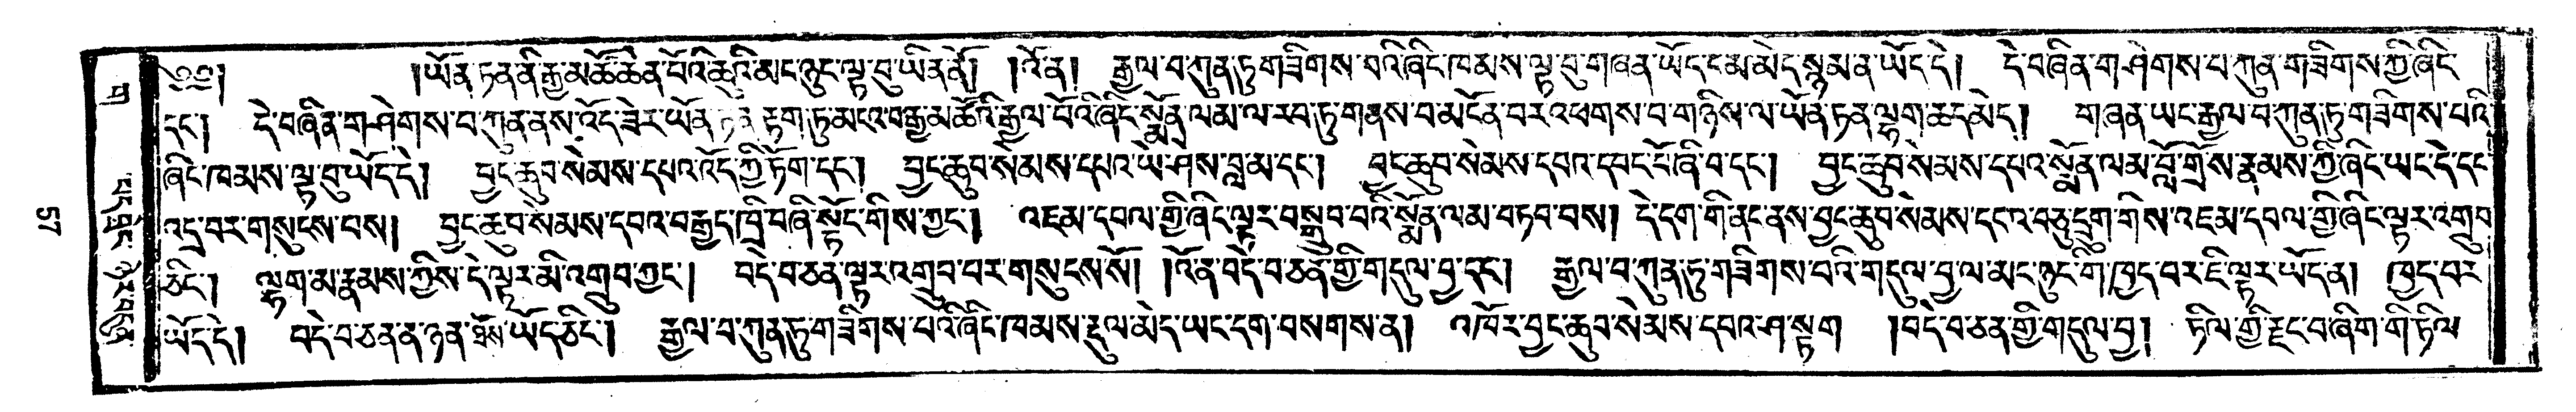༄༅། །ཡོན་ཏན་ནི་རྒྱ་མཚོ་ཆེན་པོའི་ཆུའི་མང་ཉུང་ལྟ་བུ་ཡིན་ནོ། །འོ་ན། རྒྱལ་བ་ཀུན་ཏུ་གཟིགས་བའི་ཞིང་ཁམས་ལྟ་བུ་གཞན་ཡོད་དམ་མེད་སྙམ་ན་ཡོད་དེ། དེ་བཞིན་གཤེགས་པ་ཀུན་གཟིགས་ཀྱི་ཞིང་
དང་། དེ་བཞིན་གཤེགས་པ་ཀུན་ནས་འོད་ཟེར་ཡོན་ཏན་རྟག་ཏུ་མངའ་བ་རྒྱ་མཚོའི་རྒྱལ་པོའི་ཞིང་སྨོན་ལམ་ལ་རབ་ཏུ་གནས་པ་མངོན་པར་འཕགས་པ་གཉིས་ལ་ཡོན་ཏན་ལྷག་ཆད་མེད། གཞན་ཡང་རྒྱལ་བ་ཀུན་ཏུ་གཟིགས་པའི་
ཞིང་ཁམས་ལྟ་བུ་ཡོད་དེ། བྱང་ཆུབ་སེམས་དཔའ་འོད་ཀྱི་ཏོག་དང་། བྱང་ཆུབ་སེམས་དཔའ་ཡེ་ཤེས་བླ་མ་དང་། བྱང་ཆུབ་སེམས་དཔའ་དབང་པོ་ཞི་བ་དང་། བྱང་ཆུབ་སེམས་དཔའ་སྨོན་ལམ་བློ་གྲོས་རྣམས་ཀྱི་ཞིང་ཡང་དེ་དང་
འདྲ་བར་གསུངས་པས། བྱང་ཆུབ་སེམས་དཔའ་བརྒྱད་ཁྲི་བཞི་སྟོང་གིས་ཀྱང་། འཇམ་དཔལ་གྱི་ཞིང་ལྟར་བསྒྲུབ་པའི་སྨོན་ལམ་བཏབ་པས། དེ་དག་གི་ནང་ནས་བྱང་ཆུབ་སེམས་དཔའ་བཅུ་དྲུག་གིས་འཇམ་དཔལ་གྱི་ཞིང་ལྟར་འགྲུབ་
ཅིང་། ལྷག་མ་རྣམས་ཀྱིས་དེ་ལྟར་མི་འགྲུབ་ཀྱང་། བདེ་བ་ཅན་ལྟར་འགྲུབ་པར་གསུངས་སོ། །འོ་ན་བདེ་བ་ཅན་གྱི་གདུལ་བྱ་དང་། རྒྱལ་བ་ཀུན་ཏུ་གཟིགས་པའི་གདུལ་བྱ་ལ་མང་ཉུང་གི་ཁྱད་པར་ཇི་ལྟར་ཡོད་ན། ཁྱད་པར་
ཡོད་དེ། བདེ་བ་ཅན་ན་ཉན་ཐོས་ཡོད་ཅིང་། རྒྱལ་བ་ཀུན་ཏུ་གཟིགས་པའི་ཞིང་ཁམས་རྡུལ་མེད་ཡང་དག་བསགས་ན། འཁོར་བྱང་ཆུབ་སེམས་དཔའ་ཤ་སྟག །བདེ་བ་ཅན་གྱི་གདུལ་བྱ། ཏིལ་གྱི་རྫང་བ་ཞིག་གི་ཏིལ་